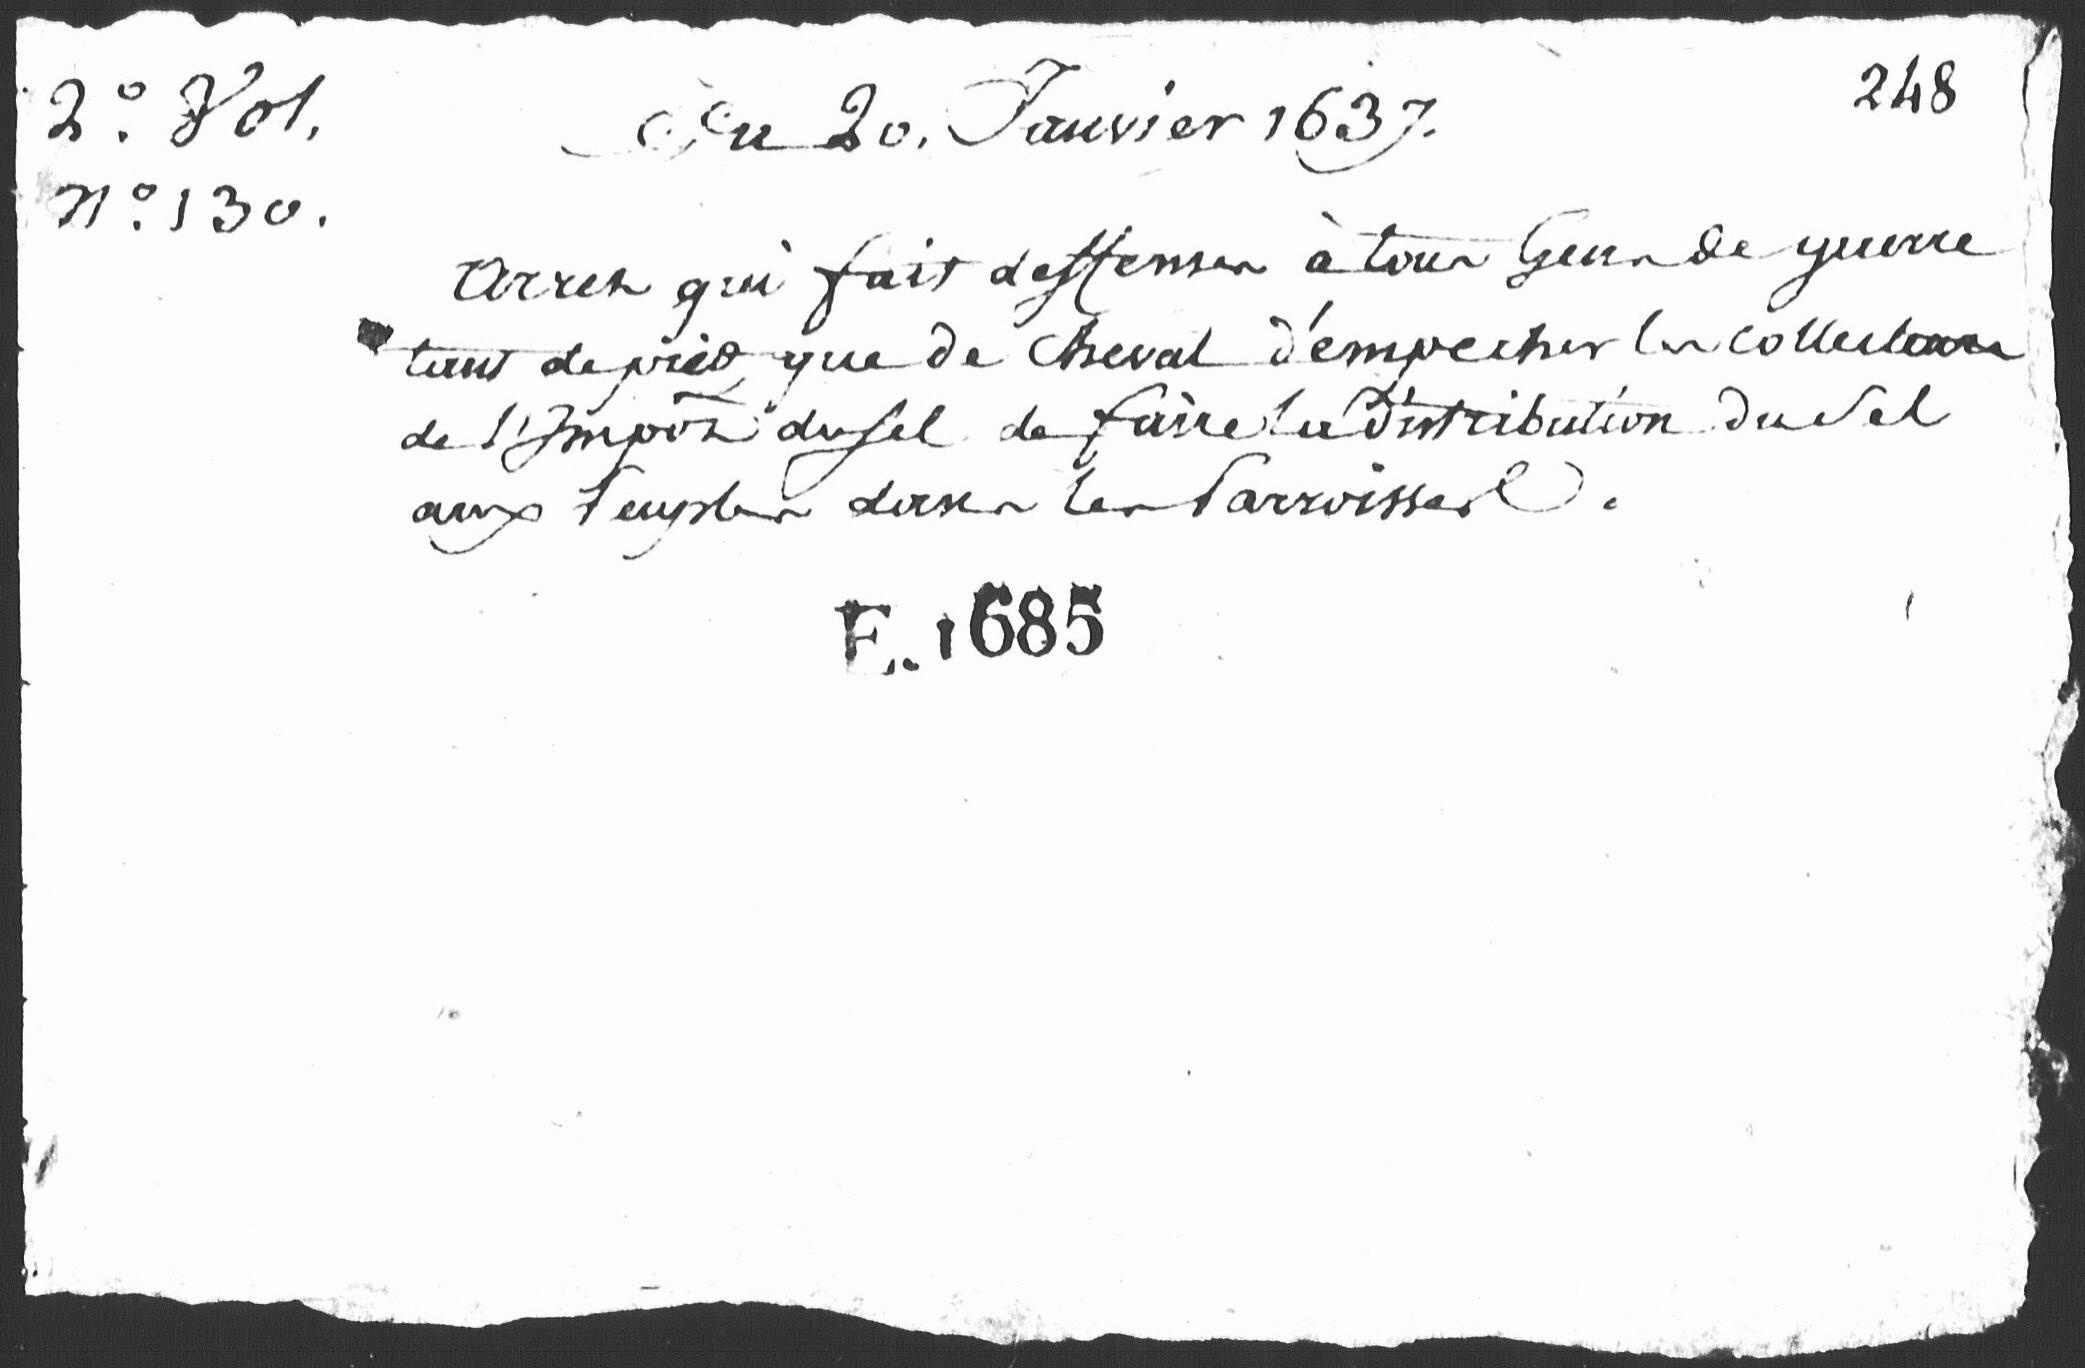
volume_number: n°130
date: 20 janvier 1637
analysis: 248
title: Arret qui fait deffenses à tous gens de guerre tant de pied que de cheval d'empecher les collecteurs de l'impôt du sel de faire la distribution du sel aux peuples dans les parroisses.
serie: E
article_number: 1685
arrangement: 2. vol.
